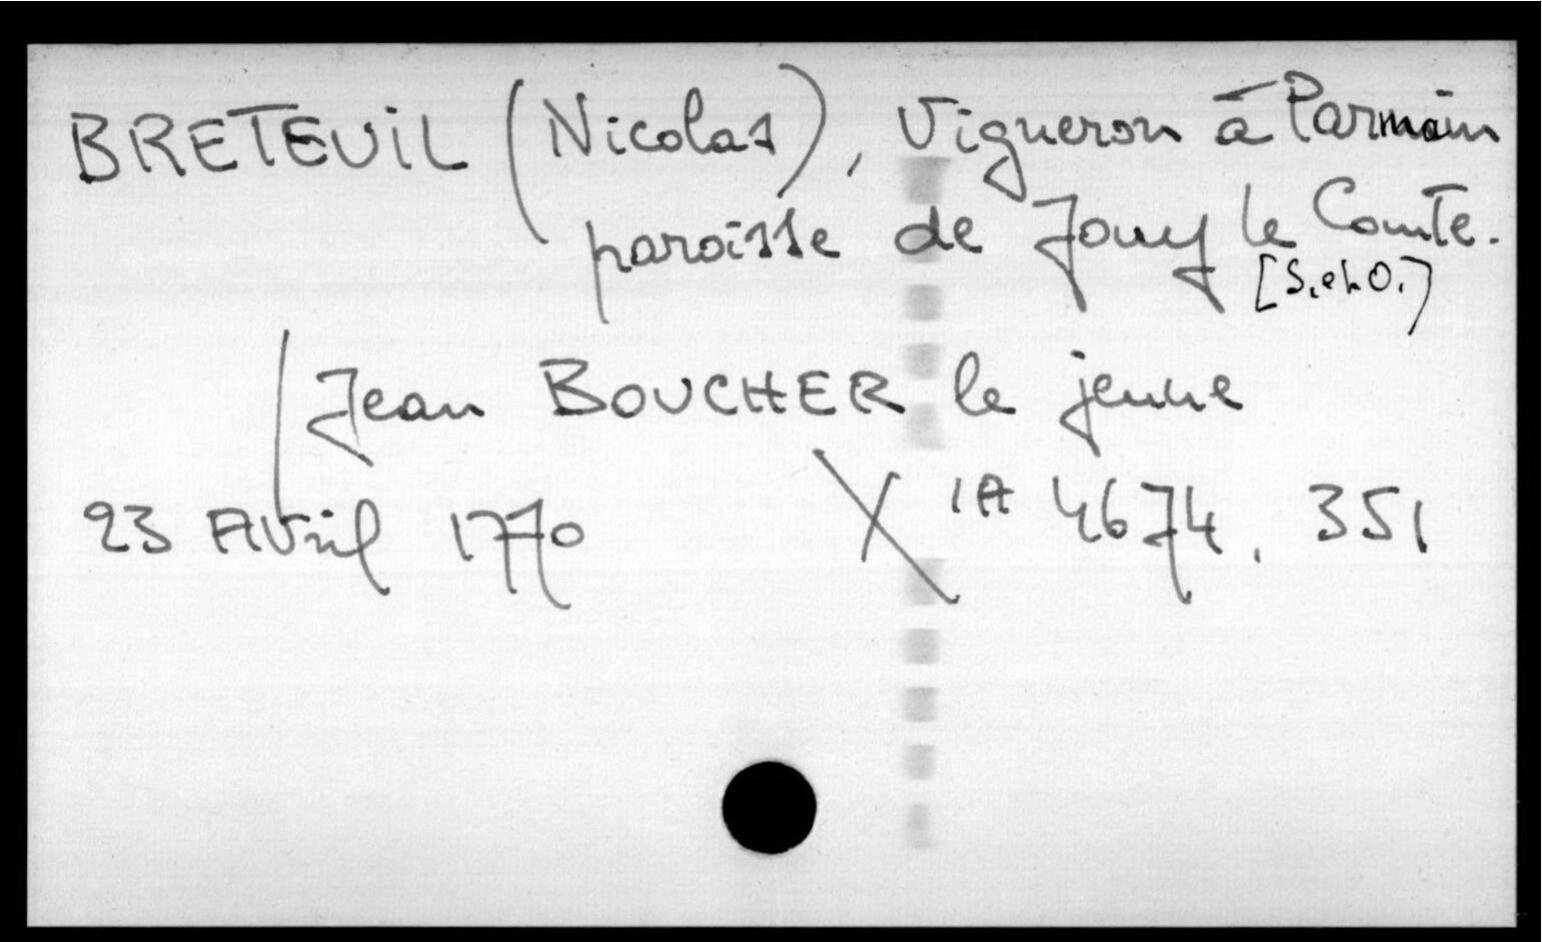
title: BRETEUIL (Nicolas), Vigneron à Parmain paroisse de Jouy Le Comte [Seine et Oise]
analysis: Contre Jean BOUCHER le jeune
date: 23 avril 1770
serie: X1A
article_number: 4674
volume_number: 351
